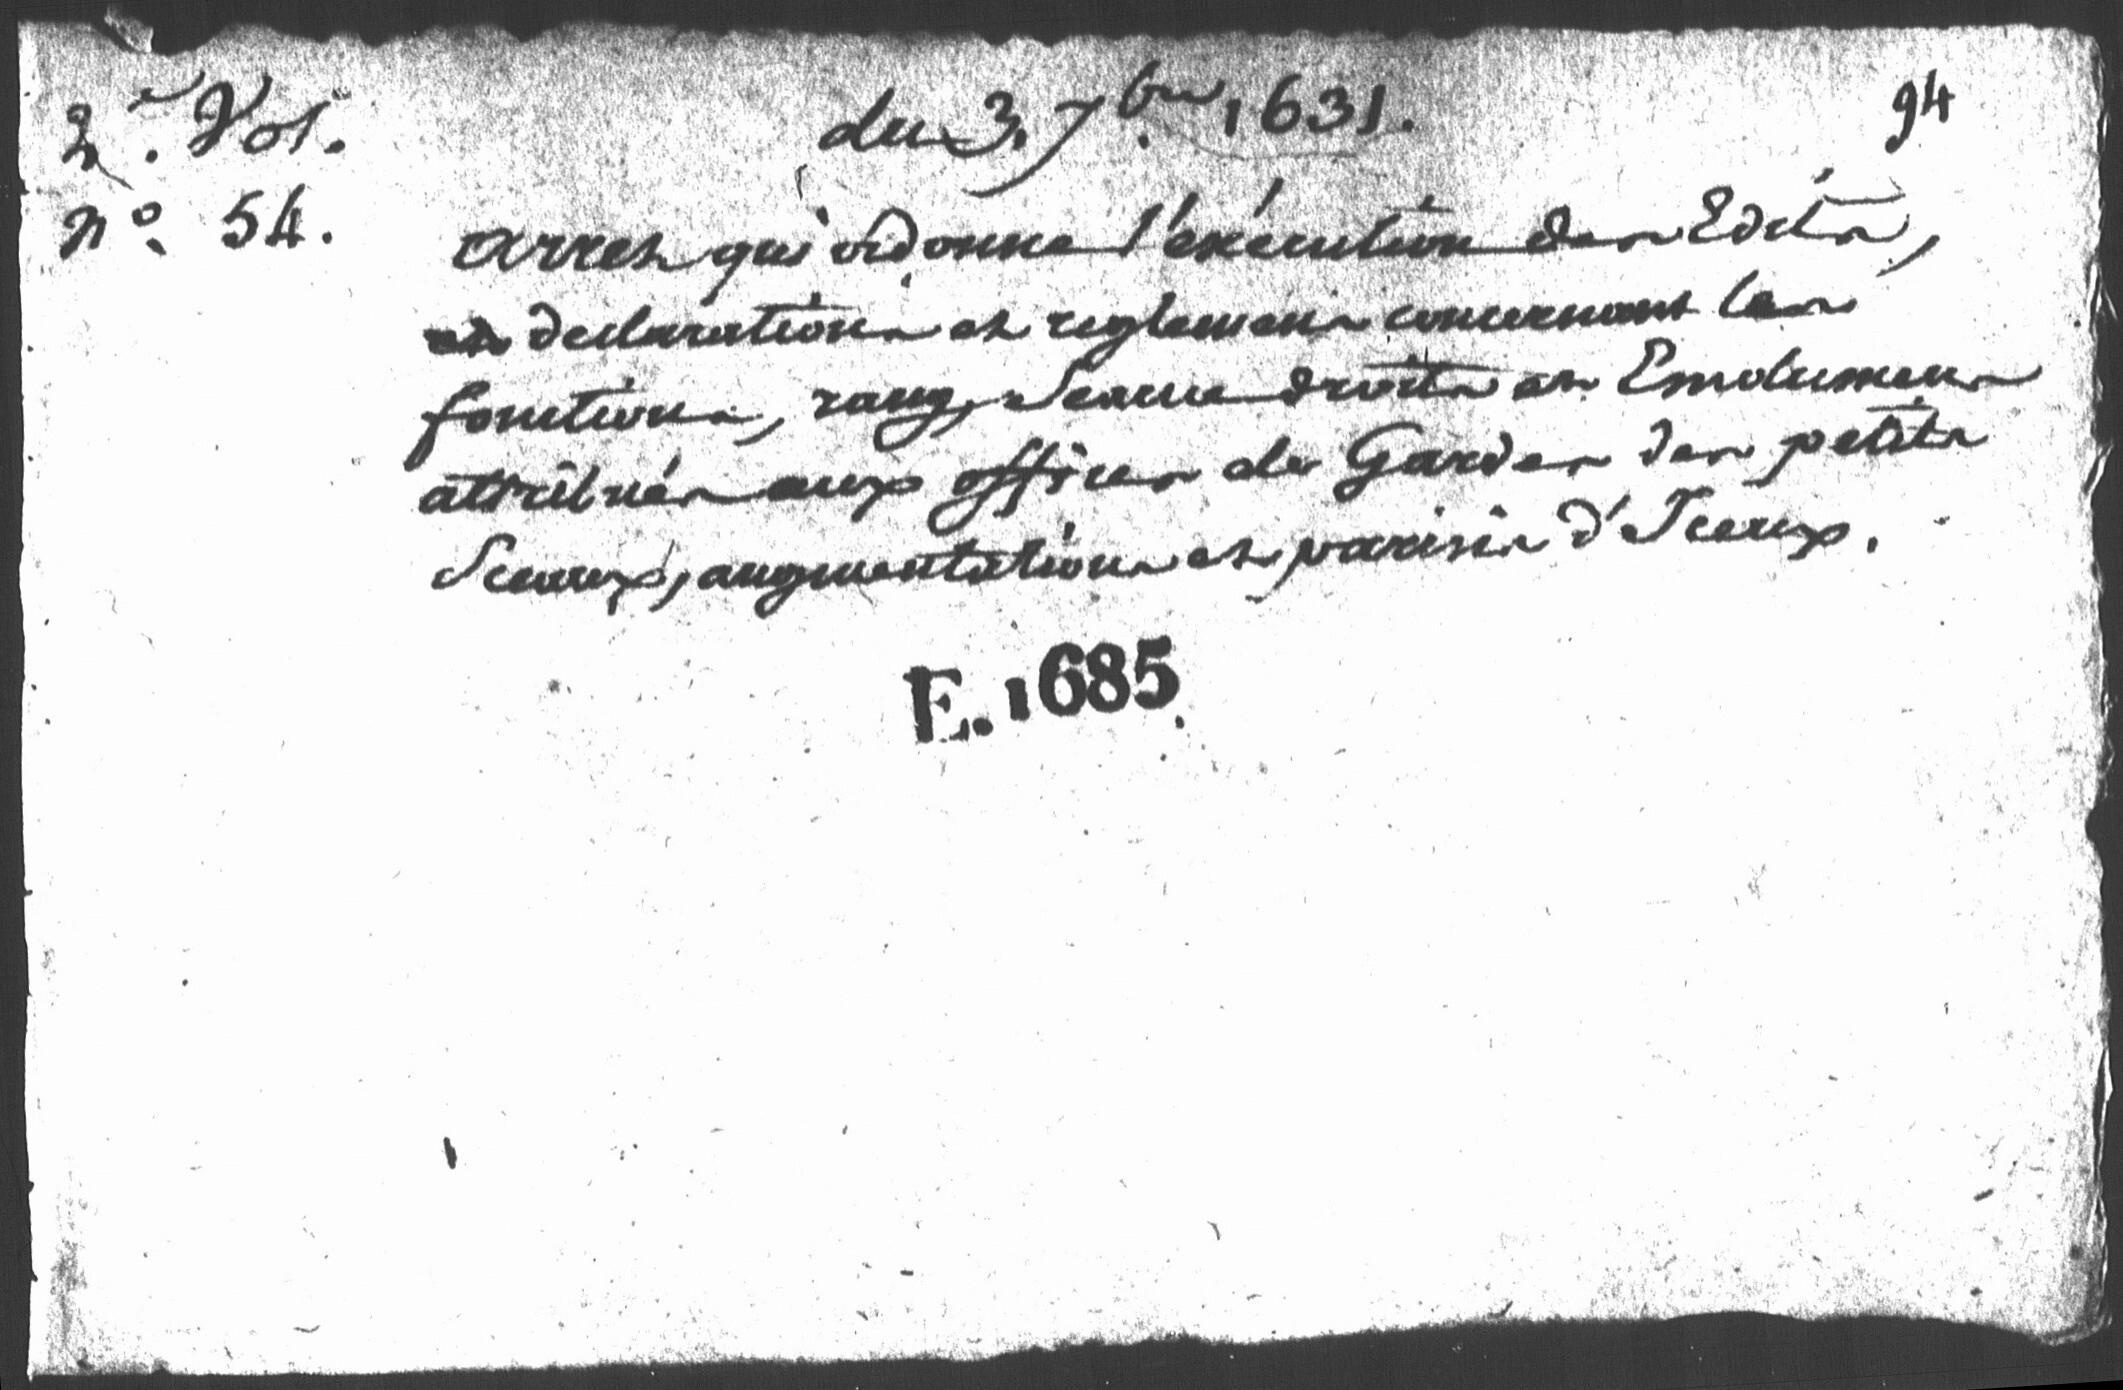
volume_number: n°54
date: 3 septembre 1631
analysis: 94
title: Arrêt qui ordonne l'exécution des Edits, [et, barré] et reglemens concernant les fonctions, rang, sceau droits et Emolumens attribués aux offices de Gardes des petits sceaux, augmentations et parisis d'iceux.
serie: E
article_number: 1685
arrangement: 2e. vol.
